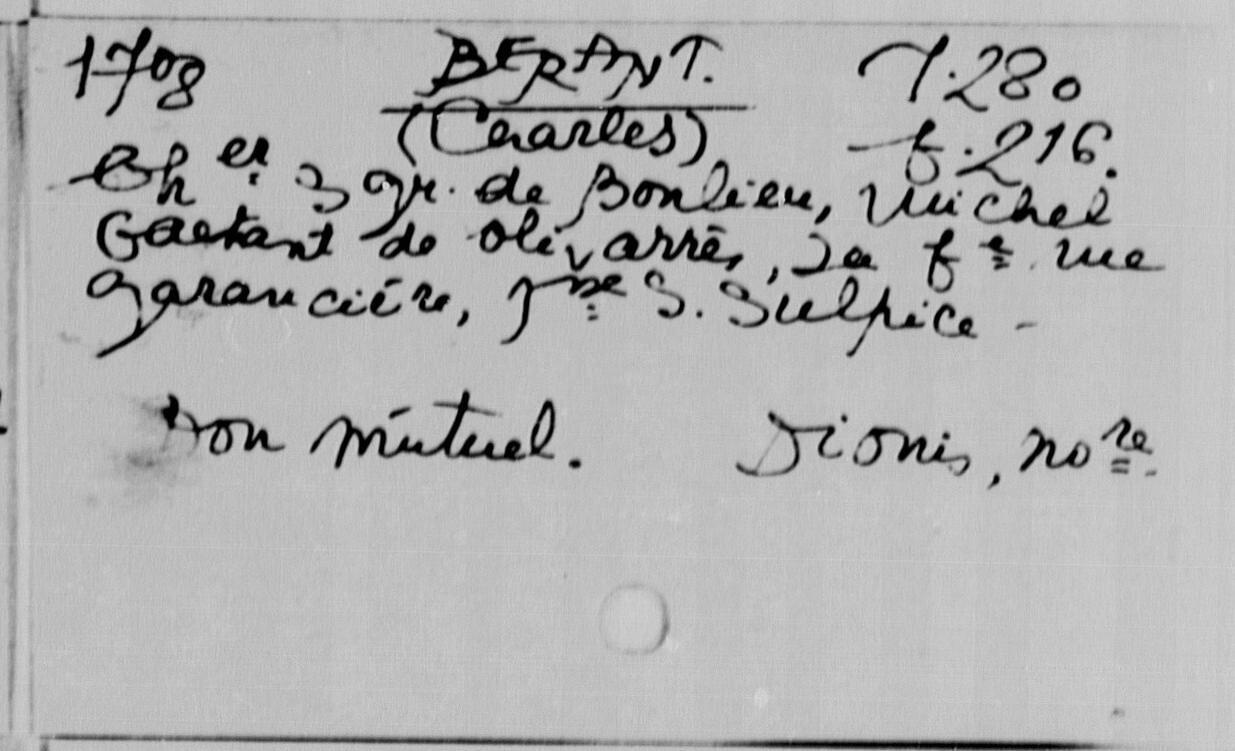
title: BERANT (Charles)
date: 1708
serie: Y
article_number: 280
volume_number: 216
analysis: Chevalier seigneur de Bonlieu, Michel Gaetant de Olivarrès, sa femme, rue Garancière, paroisse Saint-Sulpice. Don mutuel. Dionis, notaire.
